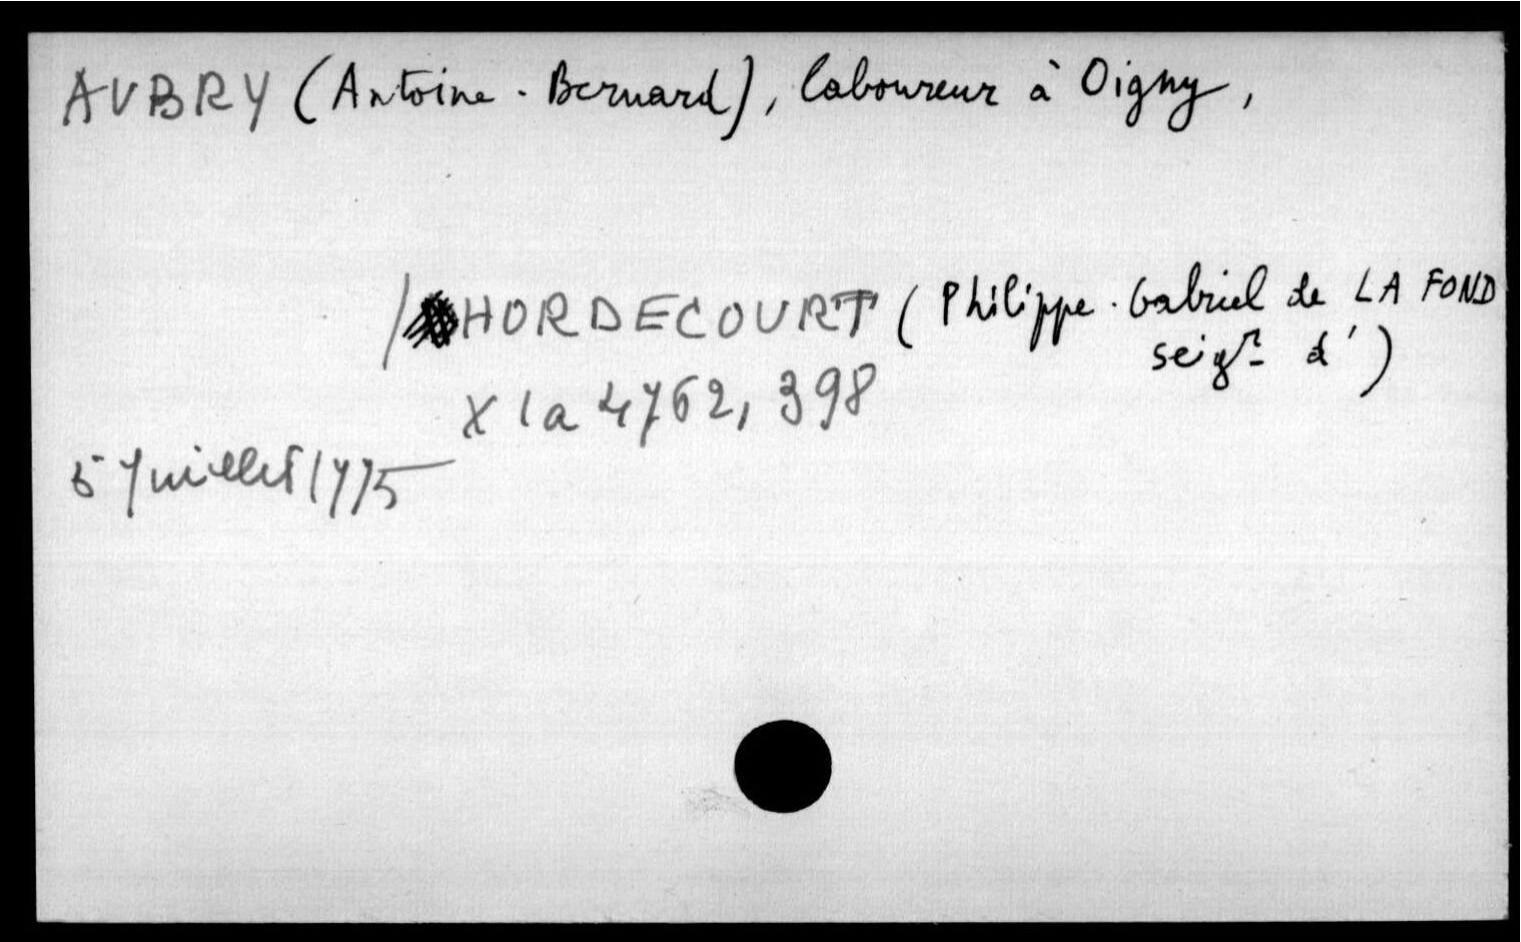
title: AUBRY (Antoine-Bernard), laboureur à Oigny.
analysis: Contre Hordecourt (Philippe Gabriel de LA FOND seigneur d')
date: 6 juillet 1775
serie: X1a
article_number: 4762
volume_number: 398
